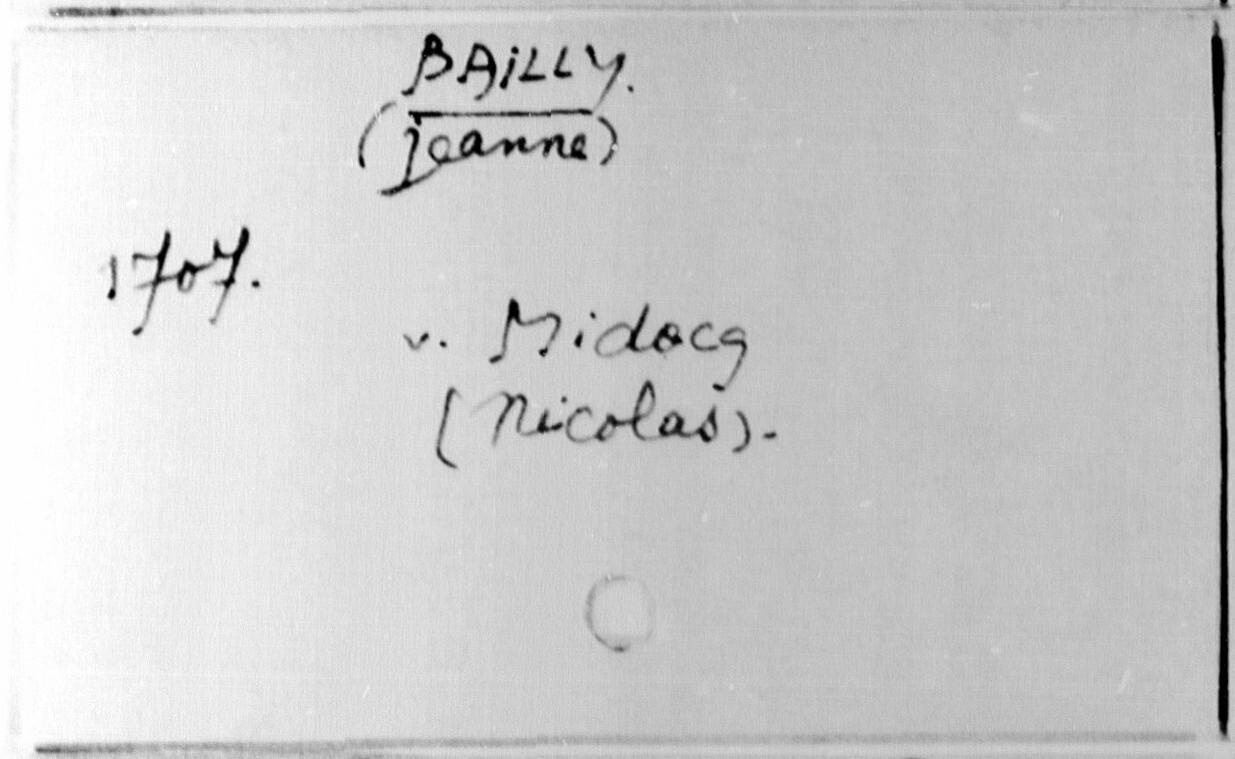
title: BAILLY (Jeanne)
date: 1707
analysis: Voir Midocq (Nicolas)
